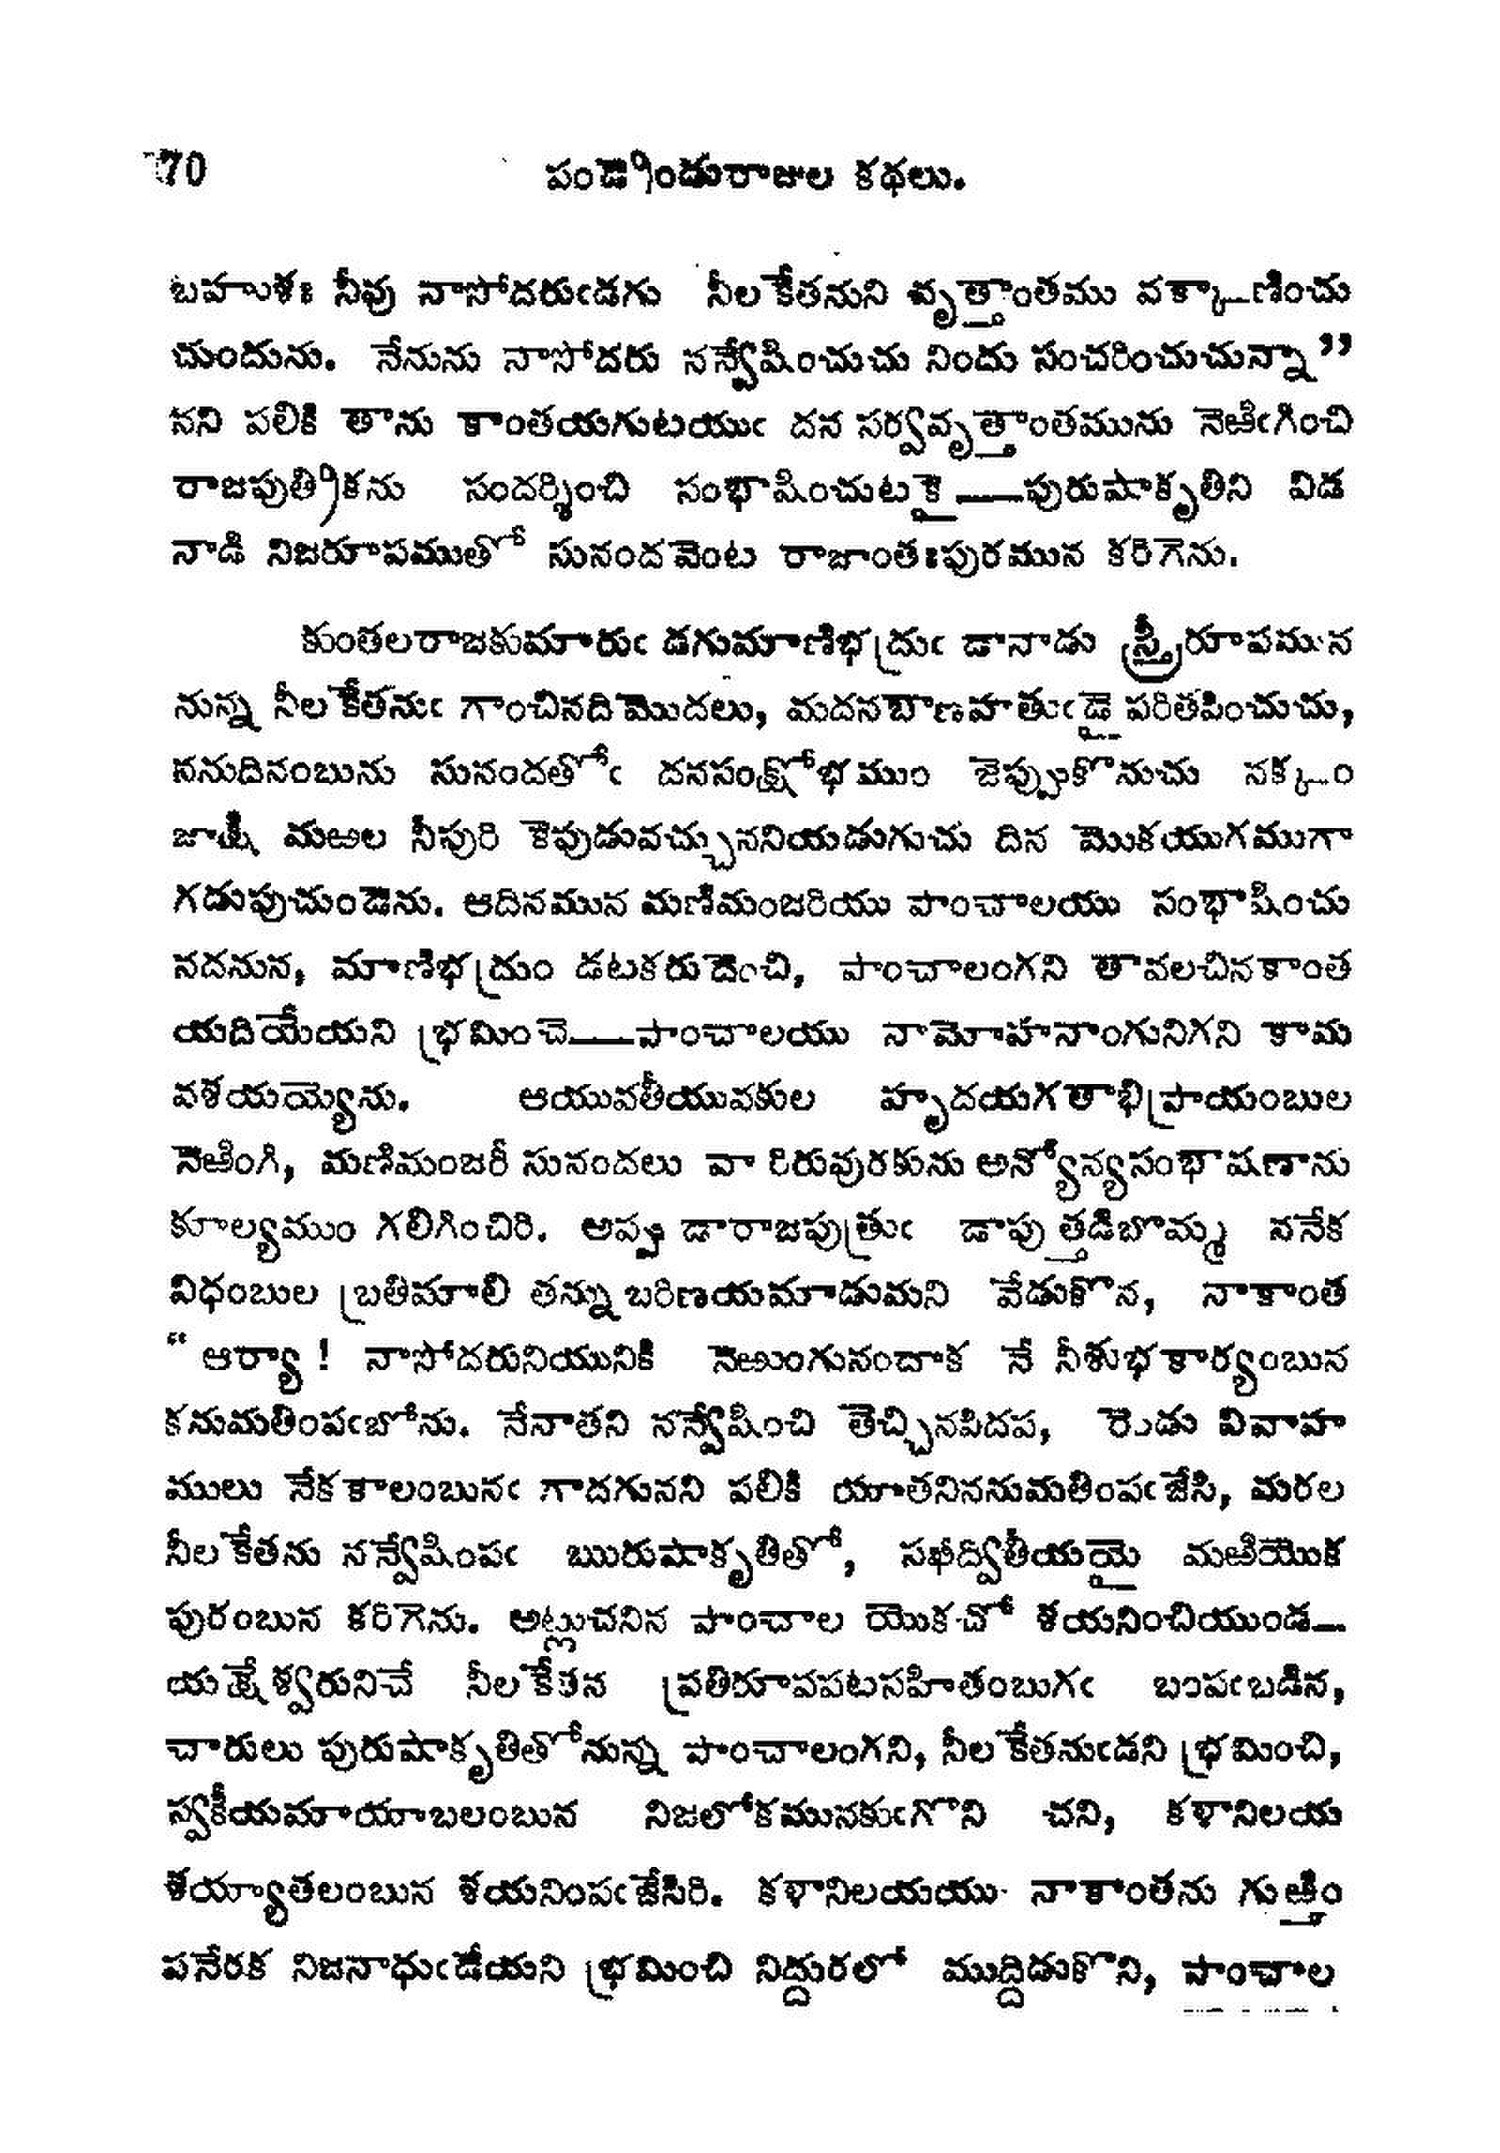బహుళః నీవు నాసోదరుఁడగు నీల కేతనుని వృత్తాంతము వక్కాణించుచుందును. నేనును నాసోదరు నన్వేషించుచు నిందు సంచరించుచున్నా” నని పలికి తాను కాంతయగుటయుఁ దన సర్వవృత్తాంతమును నెఱిఁగించి రాజపుత్రికను సందర్శించి సంభాషించుటకై——పురుషాకృతిని విడనాడి నిజరూపముతో సునంద వెంట రాజాంతఃపురమున కరిగెను.

కుంతల రాజకుమారుఁ డగుమాణిభద్రుఁ డానాడు స్త్రీ రూపమున నున్న నీలకేతనుఁ గాంచినది మొదలు, మదన బాణహతుఁడై పరితపించుచు, ననుదినంబును సుసందతోఁ దనసంక్షోభముం జెప్పుకొనుచు సక్కంజాక్షి మఱల నీపురి కెవుడువచ్చుననియడుగుచు దిన మొక యుగముగా గడుపుచుండెను. ఆదినమున మణిమంజరియు పాంచాలయు సంభాషించు నదనున, మాణిభద్రుం డటకరుదెంచి, పాంచాలంగని తావలచిన కాంత యదియేయని భ్రమించె——పాంచాలయు నామోహనాంగునిగని కామ వశయయ్యెను. ఆయువతీయువకుల హృదయగతాభిప్రాయంబుల నెఱింగి, మణిమంజరీ సునందలు వారిరువురకును అన్యోన్య సంభాషణాను కూల్యముం గలిగించిరి. అప్పుడా రాజపుత్రుఁ డాపుత్తడి బొమ్మ ననేక విధంబుల బ్రతిమాలి తన్ను బరిణయమాడుమని వేడుకొస, నాకాంత "ఆర్యా! నాసోదరునియునికి
నెఱుంగునందాక నే నీశుభకార్యంబున కనుమతింపఁబోను. నేనాతని నన్వేషించి తెచ్చిన పిదప, రెండు వివాహములు నేకకాలంబునఁ గాదగునని పలికి యాతనిననుమతింపఁ జేసి, మరల నీలకేతను నన్వేషింప ఋరుషాకృతితో, సఖీద్వితీయమై మఱియొక పురంబున కరిగెను. అట్లుచనిన పొంచాల యొకచో శయనించియుండ——యక్షేశ్వరునిచే నీలకేతన ప్రతిరూప పటసహితంబుగఁ బంపఁబడిన, చారులు పురుషాకృతితోనున్న పాంచాలంగని, నీలకేతనుఁడని భ్రమించి, స్వకీయ మాయాబలంబున నిజలోకమునకుఁగొని చని, కళానిలయ శయ్యాతలంబున శయనింపఁ జేసిరి. కళానిలయయు నాకాంతను గుఱ్తింపనేరక నిజనాధుఁడేయని భ్రమించి నిద్దురలో ముద్దాడుకొని, పాంచాల